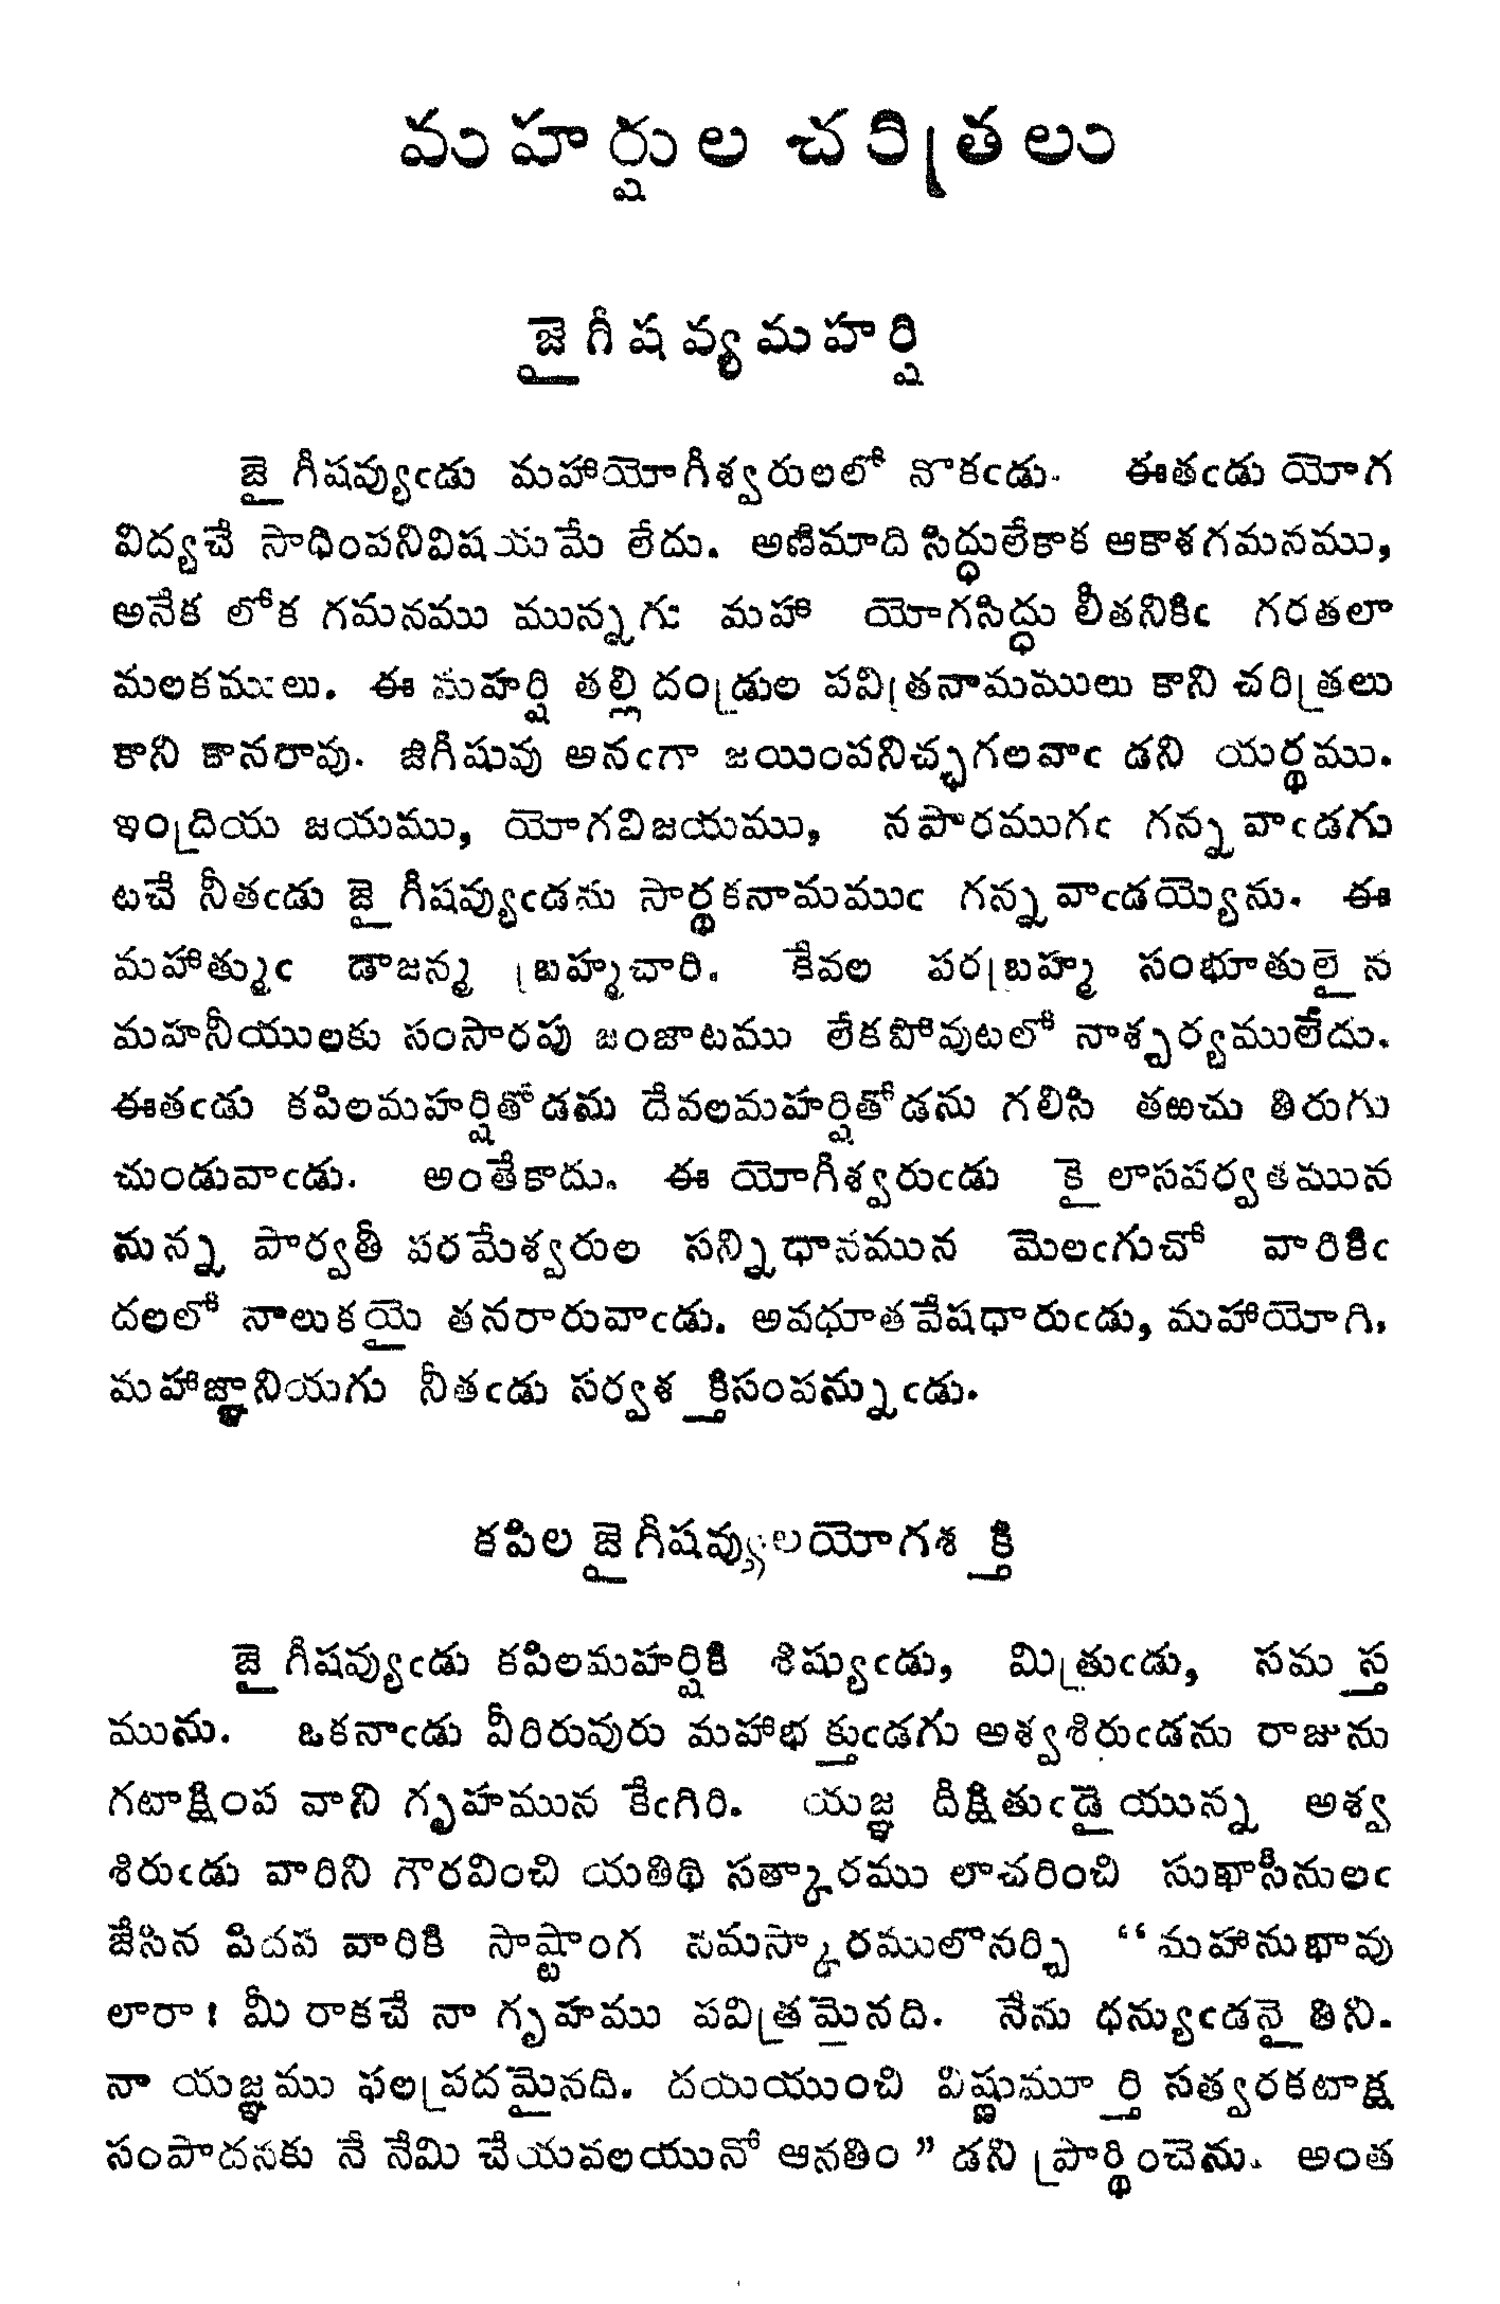మహర్షుల చరిత్రలు

జైగీషవ్య మహర్షి

జై గీషవ్యుఁడు మహాయోగీశ్వరులలో నొకఁడు. ఈతఁడు యోగవిద్యచే సాధింపనివిషయమే లేదు. అణిమాది సిద్ధులేకాక ఆకాశగమనము, అనేక లోక గమనము మున్నగు మహా యోగసిద్ధు లీతనికిఁ గరతలామలకములు. ఈ మహర్షి తల్లి దండ్రుల పవిత్రనామములు కాని చరిత్రలు కాని కానరావు. జిగీషువు అనఁగా జయింపనిచ్చగలవాఁ డని యర్ధము. ఇంద్రియ జయము, యోగవిజయము, నపారముగఁ గన్న వాఁడగుటచే నీతఁడు జై గీషవ్యుఁడను సార్థకనామముఁ గన్న వాఁడయ్యెను. ఈ మహాత్ముఁ డాజన్మ బ్రహ్మచారి. కేవల పరబ్రహ్మ సంభూతులైన మహనీయులకు సంసారపు జంజాటము లేకపోవుటలో నాశ్చర్యములేదు. ఈతఁడు కపిలమహర్షితోడను దేవలమహర్షితోడను గలిసి తఱచు తిరుగుచుండువాఁడు. అంతేకాదు, ఈ యోగీశ్వరుఁడు కైలాసపర్వతమున నున్న పార్వతీ పరమేశ్వరుల సన్నిధానమున మెలఁగుచో వారికిఁ దలలో నాలుకయై తనరారువాఁడు. అవధూత వేషధారుఁడు, మహాయోగి, మహాజ్ఞానియగు నీతఁడు సర్వశక్తిసంపన్నుఁడు.

కపిల జైగీషవ్యులయోగశక్తి 

జై గీషవ్యుఁడు కపిలమహర్షికి శిష్యుఁడు, మిత్రుఁడు, సమస్తమును. ఒకనాఁడు వీరిరువురు మహాభక్తుఁడగు అశ్వశిరుఁడను రాజును గటాక్షింప వాని గృహమున కేఁగిరి. యజ్ఞ దీక్షితుఁడై యున్న అశ్వశిరుఁడు వారిని గౌరవించి యతిథి సత్కారము లాచరించి సుఖాసీనులఁ జేసిన పిదప వారికి సాష్టాంగ సమస్కారములొనర్చి "మహానుభావులారా! మీ రాకచే నా గృహము పవిత్రమైనది. నేను ధన్యుఁడనై తిని. నా యజ్ఞము ఫలప్రదమైనది. దయయుంచి విష్ణుమూర్తి సత్వరకటాక్ష సంపాదసకు నే నేమి చేయవలయునో ఆనతిం”డని ప్రార్థించెను. అంత